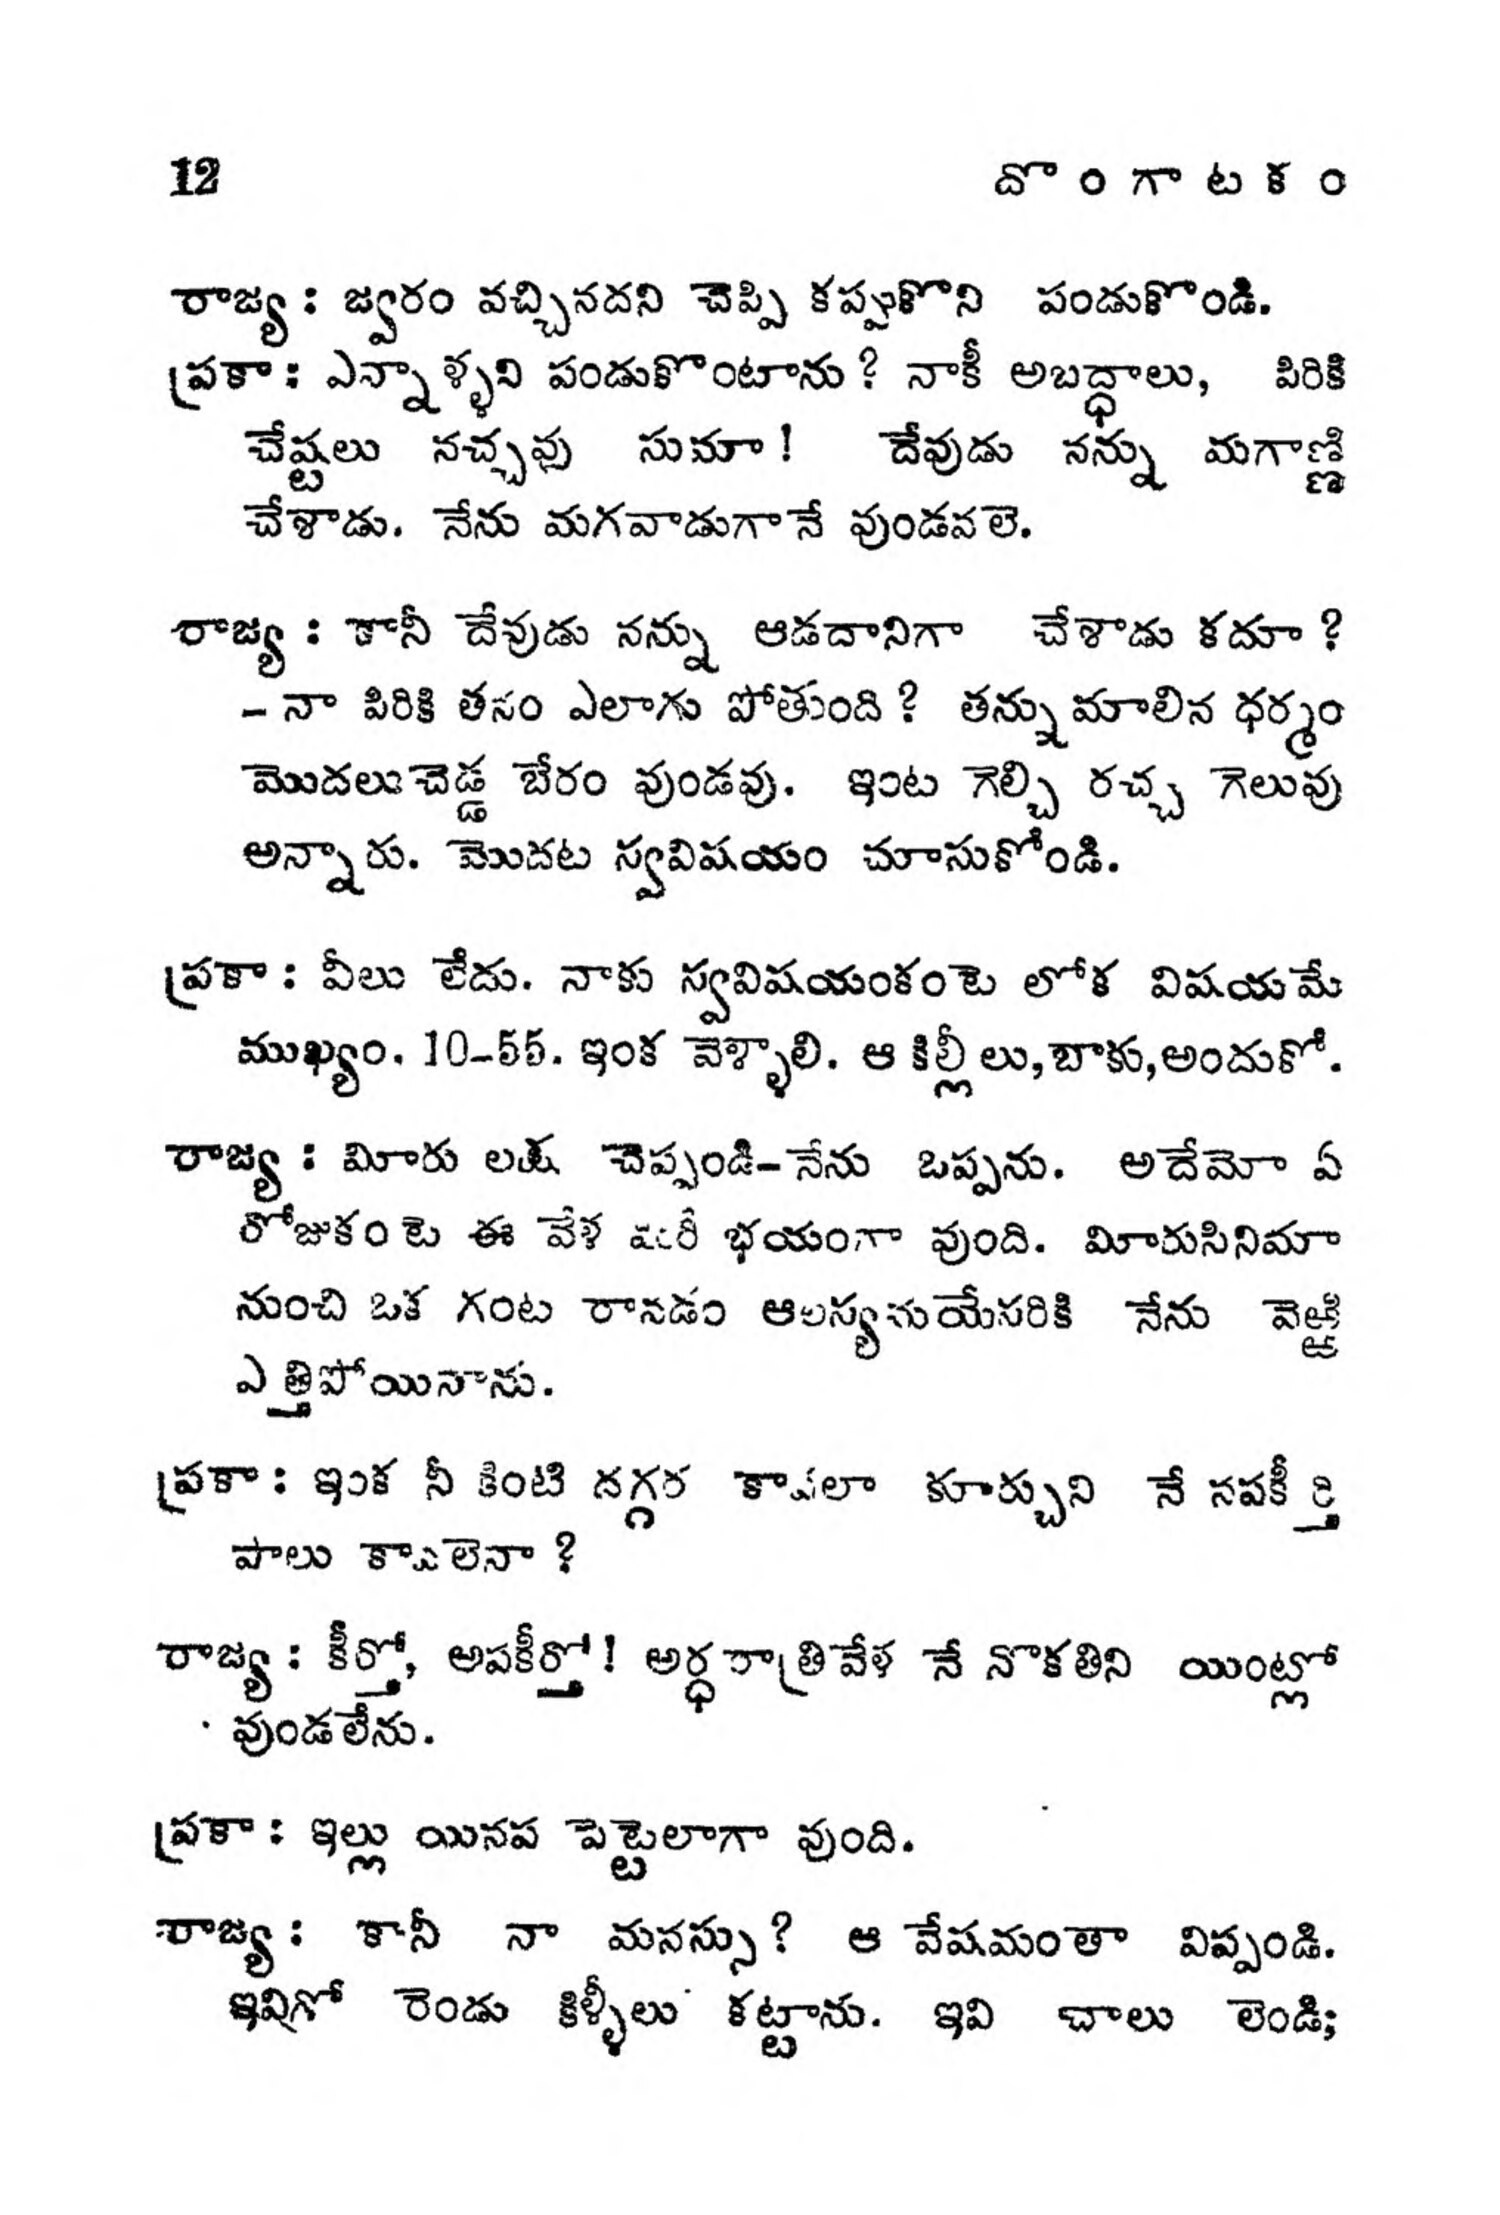రాజ్య : జ్వరం వచ్చినదని చెప్పి కప్పుకొని పండుకొండి.

ప్రకా : ఎన్నాళ్ళని పండుకొంటాను? నాకీ అబద్ధాలు, పిరికిచేష్టలు నచ్చవు సుమా! దేవుడు నన్ను మగాణ్ణి చేశాడు. నేను మగవాడుగానే వుండవలె.

రాజ్య : కానీ దేవుడు నన్ను ఆడదానిగా చేశాడు కదూ? - నా పిరికి తనం ఎలాగు పోతుంది? తన్ను మాలిన ధర్మం
మొదలుచెడ్డ బేరం వుండవు. ఇంట గెల్చి రచ్చ గెలువు అన్నారు. మొదట స్వవిషయం చూసుకోండి.

ప్రకా : వీలు లేదు. నాకు స్వవిషయంకంటె లోక విషయమే ముఖ్యం. 10-55. ఇంక వెళ్ళాలి. ఆ కిల్లీలు, బాకు, అందుకో.

రాజ్య : మీరు లక్ష చెప్పండి నేను ఒప్పను. అదేమో ఏ రోజుకంటె ఈ వేళ మరీ భయంగా వుంది. మీరుసినిమా నుంచి ఒక గంట రావడం ఆలస్యమయేసరికి నేను వెఱ్ఱి ఎత్తిపోయినాను.

ప్రకా : ఇంక నీ కింటి దగ్గర కావలా కూర్చుని నే సవకీర్తి పాలు కావలెనా?

రాజ్య : కీర్తో, అపకీర్తో! అర్ధరాత్రివేళ నే నొకతిని యింట్లో వుండలేను.

ప్రకా : ఇల్లు యినప పెట్టెలాగా వుంది.

రాజ్య : కానీ నా మనస్సు? ఆ వేషమంతా విప్పండి. ఇవిగో రెండు కిళ్ళీలు కట్టాను. ఇవి చాలు లెండి;